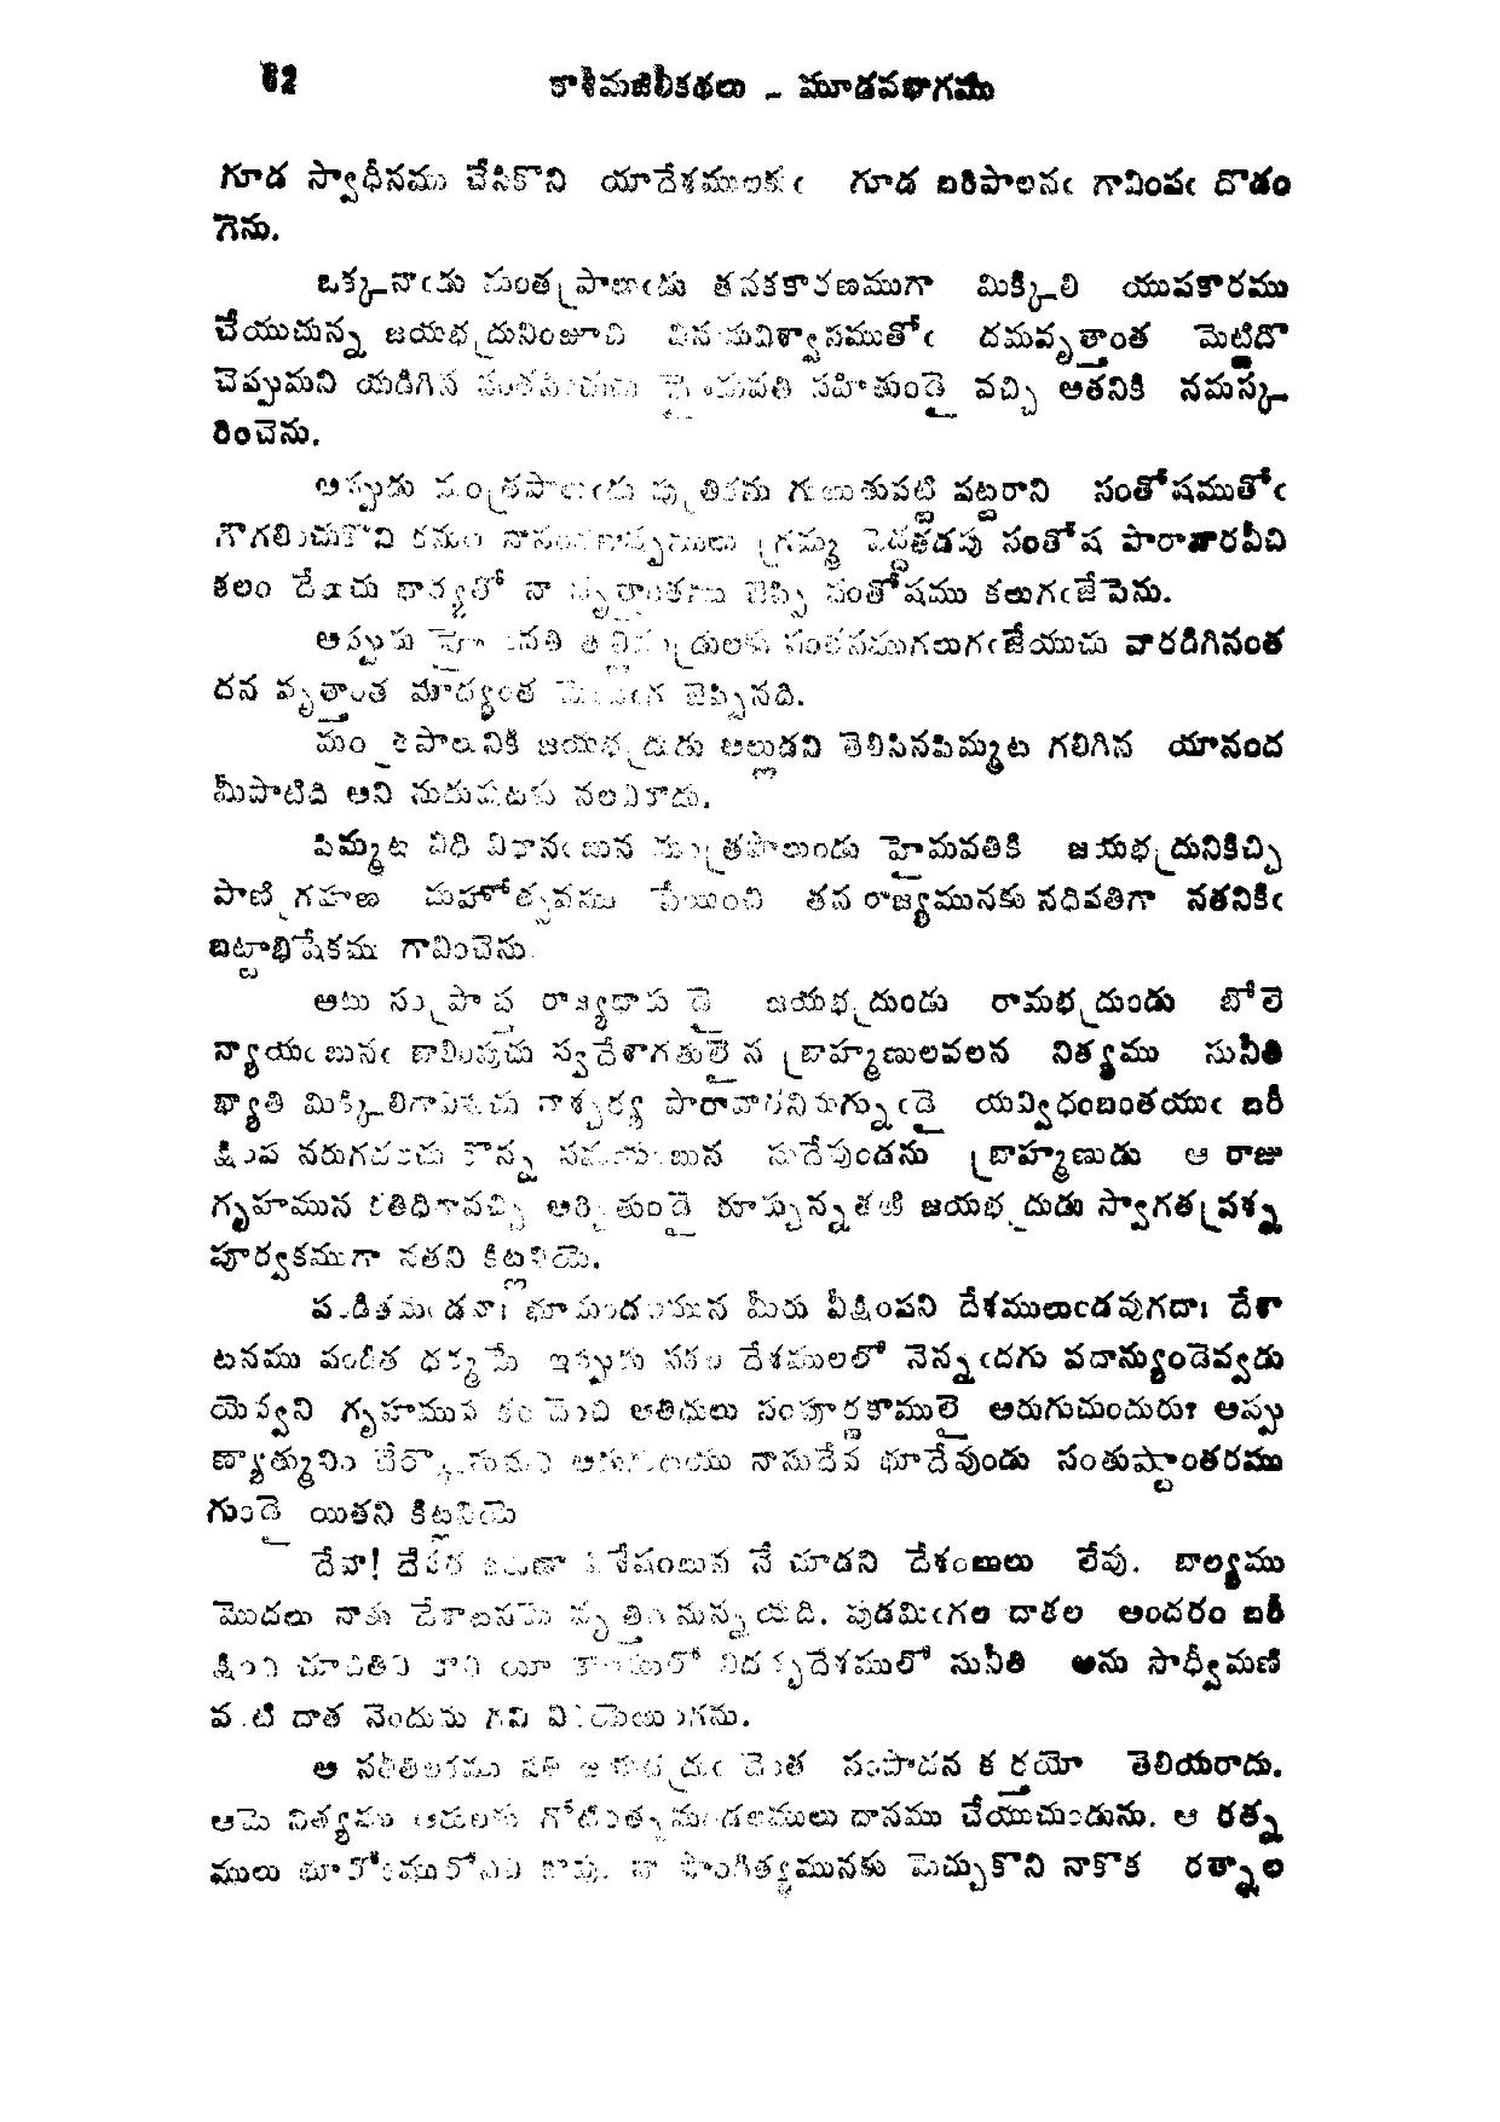గూడ స్వాధీనము చేసికొని యాదేశములకుఁ గూడ బరిపాలనఁ గావింపఁ దొడంగెను.

ఒక్కనాఁడు మంత్రపాలుఁడు తనకకారణముగా మిక్కిలి యుపకారము చేయుచున్న జయభద్రునింజూచి వినయవిశ్వాసముతోఁ దమవృత్తాంత మెట్టిదొ చెప్పుమని యడిగిన సంతసించుచు హైమవతి సహింతుండై వచ్చి అతనికి నమస్కరించెను.

అప్పుడు మంత్రపాలుఁడు పుత్రికను గుఱుతుపట్టి పట్టరాని సంతోషముతోఁ గౌగలించుకొని కనుల నానందబాష్పములు గ్రమ్మ పెద్దతడవు సంతోషపారావారవీచికలం దేలుచు భార్యతో నా వృత్తాంతము జెప్పి సంతోషము కలుగఁజేసెను.

అప్పుడు హైమవతి తల్లిదండ్రులకు సంతసము గలుగఁజేయుచు వా రడిగినంత దన వృత్తాంత మాద్యంత మెఱుఁగ జెప్పినది.

మంత్రపాలునికి జయభద్రుడు అల్లుడని తెలిసినపిమ్మట గలిగిన యానంద మీపాటిది అని నుడువుటకు నలవికాదు.

పిమ్మట విధివిధానంబున మంత్రపాలుండు హైమవతికి జయభద్రుని కిచ్చి పాణిగ్రహణమహోత్సవము సేయించి తన రాజ్యమునకు నధిపతిగా నతనికిఁ బట్టాభిషేకము గావించెను.

అటు సంప్రాప్తరాజ్యభారుడై జయభద్రుండు రామభద్రుండు బోలె న్యాయంబునఁ బాలింపుచు స్వదేశాగతులైన బ్రాహ్మణులవలన నిత్యము సునీతి ఖ్యాతి మిక్కిలిగా వినుచు నాశ్చర్యపారావానిమగ్నుఁడై యవ్విధంబంతయుఁ బరీక్షింప నరుగదలచుకొన్న సమయంబున సుదేవుండను బ్రాహ్మణుడు ఆ రాజు గృహమున కతిథిగా వచ్చి అర్చితుండై కూర్చున్నతఱి జయభద్రుడు స్వాగతప్రశ్నపూర్వకముగా నతని కిట్లనియె.

పండితమండనా! భూమండలమున మీరు వీక్షింపని దేశములుండవుగదా! దేశాటనము పండితధర్మమే ఇప్పుడు సకలదేశములలో నెన్నఁదగు వదాన్యుం డెవ్వడు యెవ్వని గృహమున కరుదెంచి అతిథులు సంపూర్ణకాములై అరుగుచుందురు? అప్పుణ్యాత్మునిం బేర్కొనుమని అనుటయు నాసుదేవ భూదేవుండు సంతుష్టాంతరంగుండై యితని కిట్లనియె.

దేవా! దేవర కరుణావిశేషంబున నే చూడని దేశంబులు లేవు. బాల్యము మొదలు నాకు దేశాటనమే వృత్తిగనున్నయది. పుడమిఁగల దాతల అందరం బరీక్షించి చూచితిని కాని యీ కాలములో విదర్భదేశములో సునీతి అను సాధ్వీమణి వంటి దాత నెందును గనివిని యెఱుంగను.

ఆ సతీతిలకము పతి జయభద్రుఁ డెంత సంపాదనకర్తయో తెలియరాదు. ఆమె నిత్యము ఆర్తులకు గోటిరత్నమండలములు దానము చేయుచుండును. ఆ రత్నములు భూలోకములోనివి కావు. నా పాండిత్యమునకు మెచ్చుకొని నాకొక రత్నాల